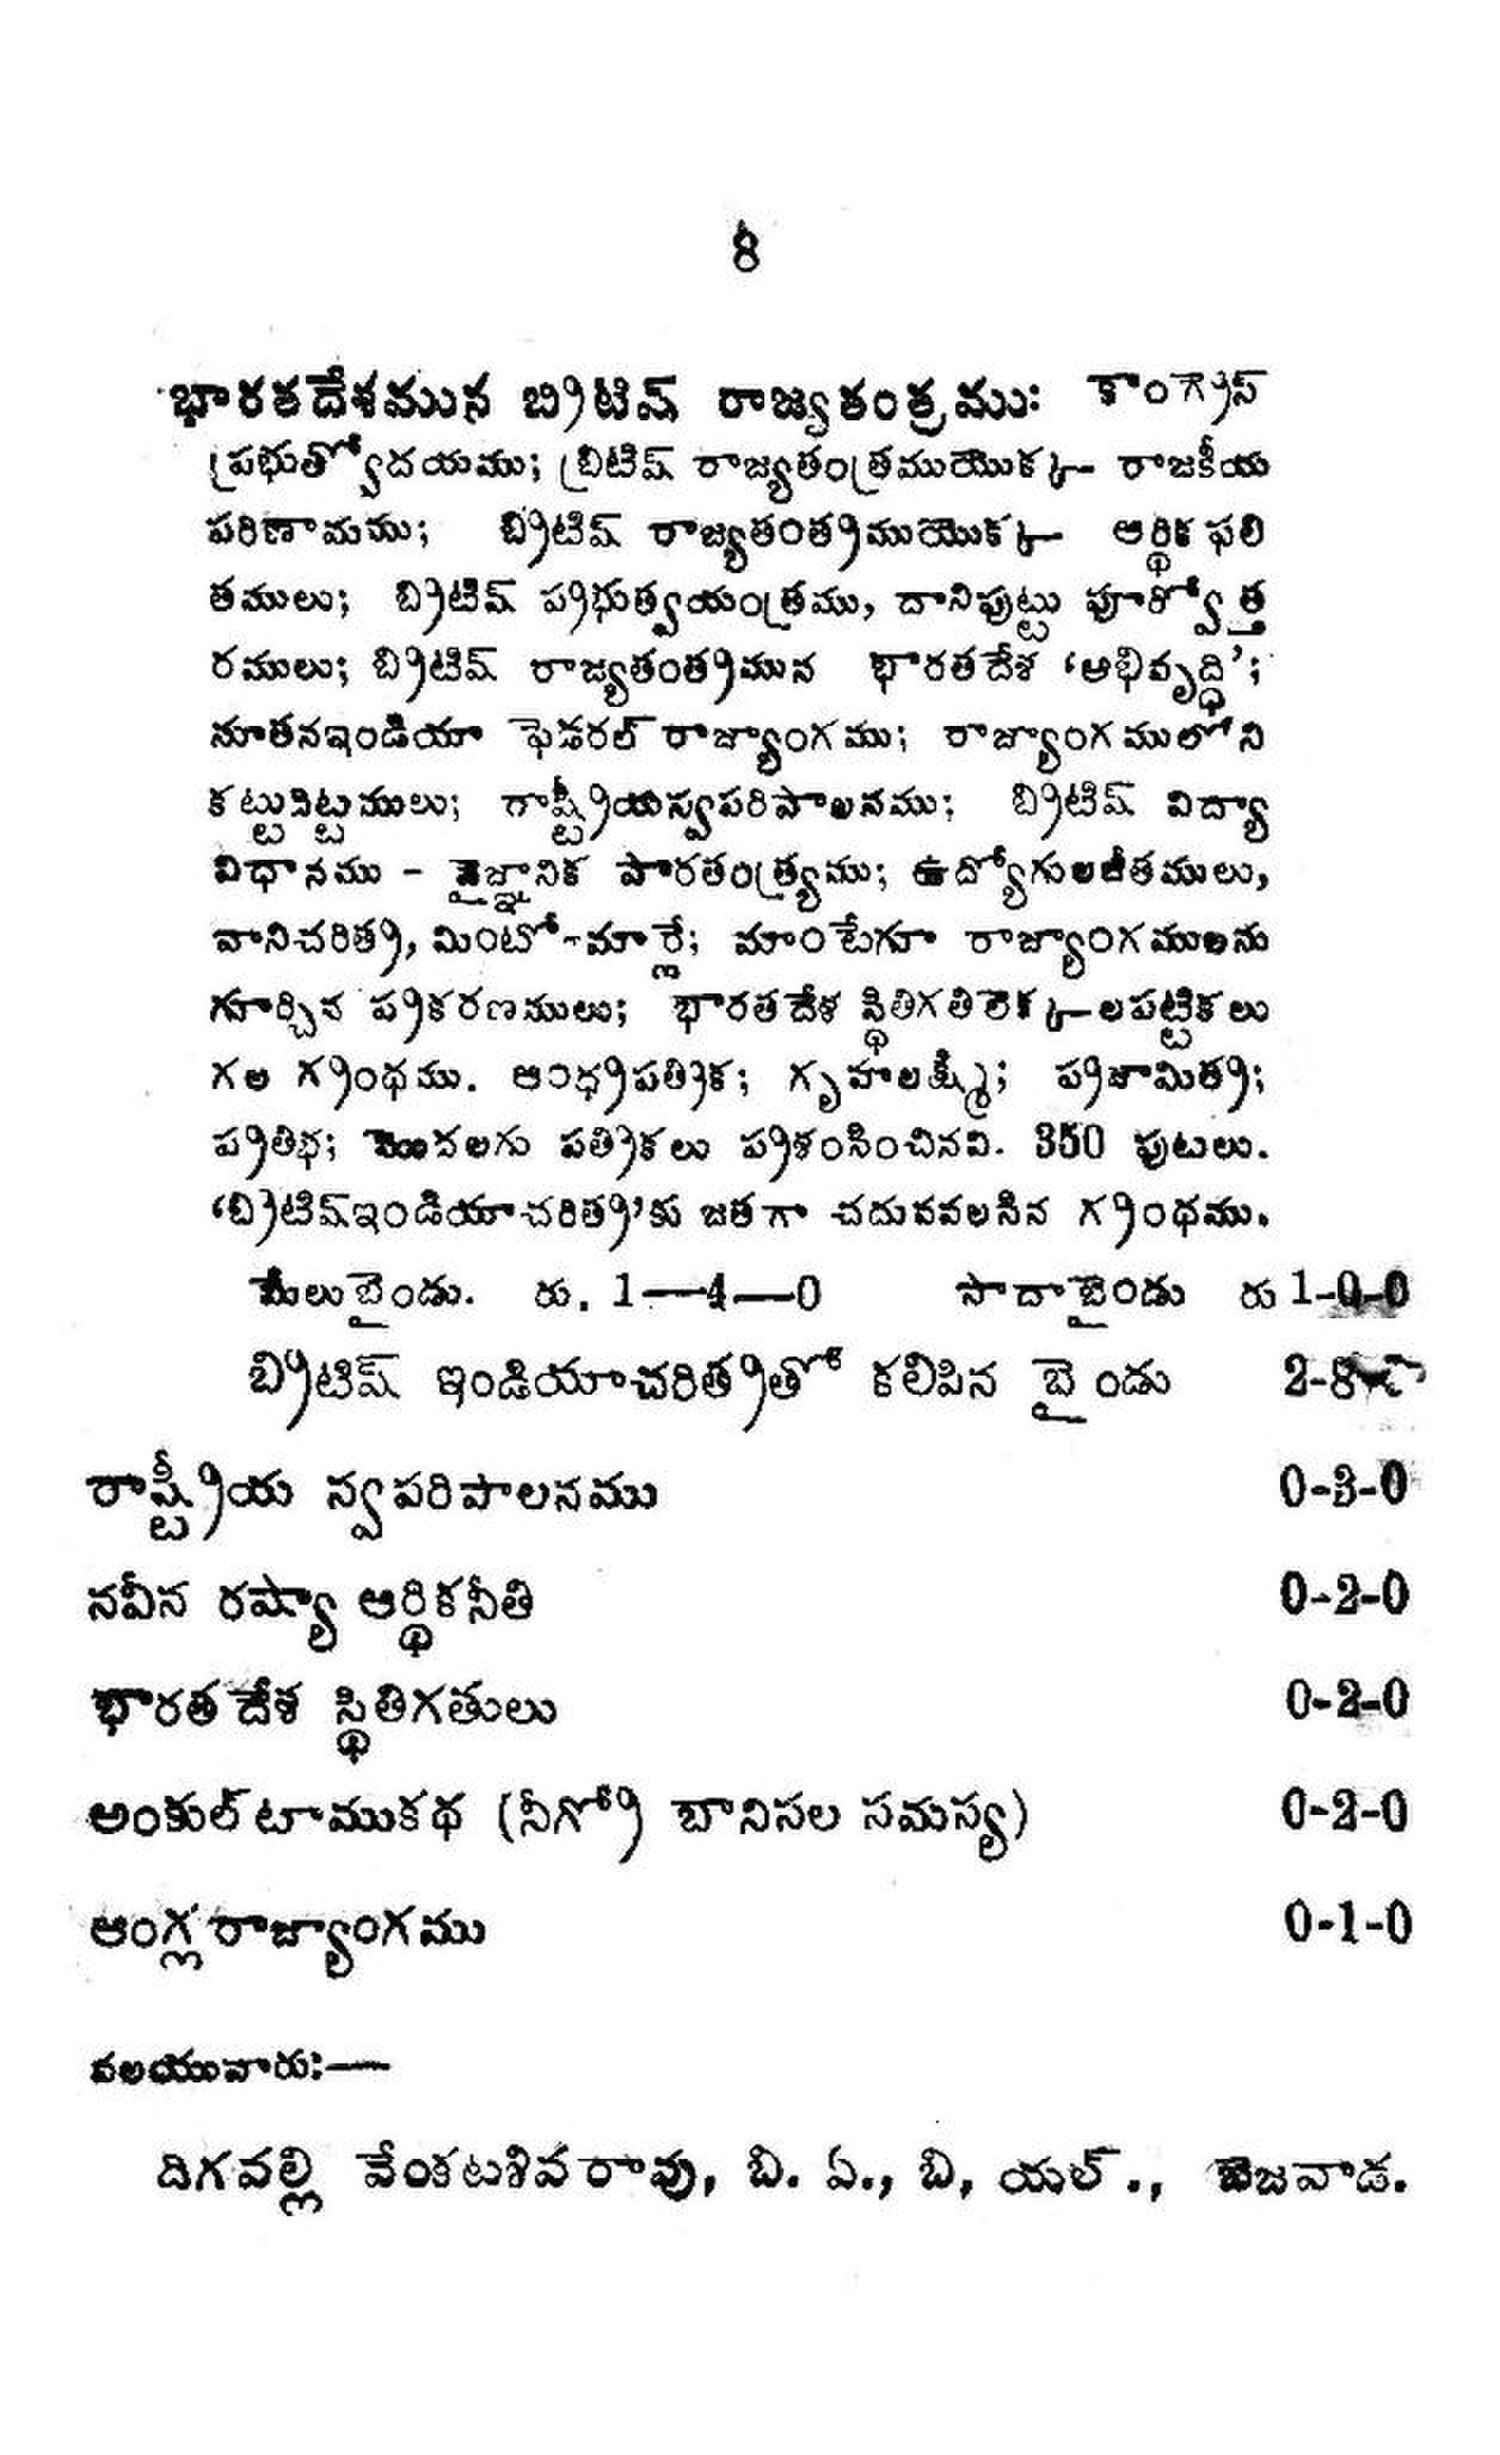భారతదేశమున బ్రిటిష్ రాజ్యతంత్రము: కాంగ్రెస్ ప్రభుత్వోదయము; బ్రిటిష్ రాజ్యతంత్రముయొక్క రాజకీయ పరిణామయు, బ్రిటిష్ రాజ్యతంత్రముయొక్క ఆర్థిక ఫలితములు; బ్రిటిష్ ప్రభుత్వయంత్రము, దానిపుట్టు పూర్వోత్తరములు; బ్రిటిష్ రాజ్యతంత్రమున భారతదేశ 'అభివృద్ది', నూతనఇండియా ఫెడరల్ రాజ్యాంగము; రాజ్యంగములోని కట్టుదిట్టములు, రాష్ట్రీయ స్వపరిపాలనము; బ్రిటిష్ విద్యావిధానము - వైజ్ఞానిక పారతంత్ర్యము; ఉద్యోగులజీతములు, వానిచరిత్ర, మింటో - మార్లే; మాంటేగూ రాజ్యాంగములను గూర్చిన ప్రకరణములు; భారతదేశ స్థితిగతిలెక్కలపట్టికలు గల గ్రంథము. ఆంధ్రపత్రిక; గృహలక్ష్మి, ప్రజామిత్ర; ప్రతిభ, మొదలగు పత్రికలు ప్రశంసించినవి. 350 పుటలు. 'బ్రిటిష్ ఇండియా చరిత్ర'కు జతగా చదువవలసిన గ్రంధము,

మేలుబైండు. రు. 1-4-0 సాదాబైండు రు 1-0-0

బ్రిటిష్ ఇండియాచరిత్రతో కలిపిన బైండు 2-8-0 

రాష్ట్రీయ స్వపరిపాలనము 0-3-0 

నవీన రష్యా ఆర్థికనీతి 0-2-0 

భారతదేశ స్థితిగతులు 0-2-0 

అంకుల్ టాముకథ (నీగ్రో బానిసల సమస్య ) 0-2-0 

ఆంగ్లరాజ్యాంగము 0-1-0

వలయువారు:-

దిగవల్లి వేంకటశివరావు, బి. ఏ., బి, యల్ ., బెజవాడ.